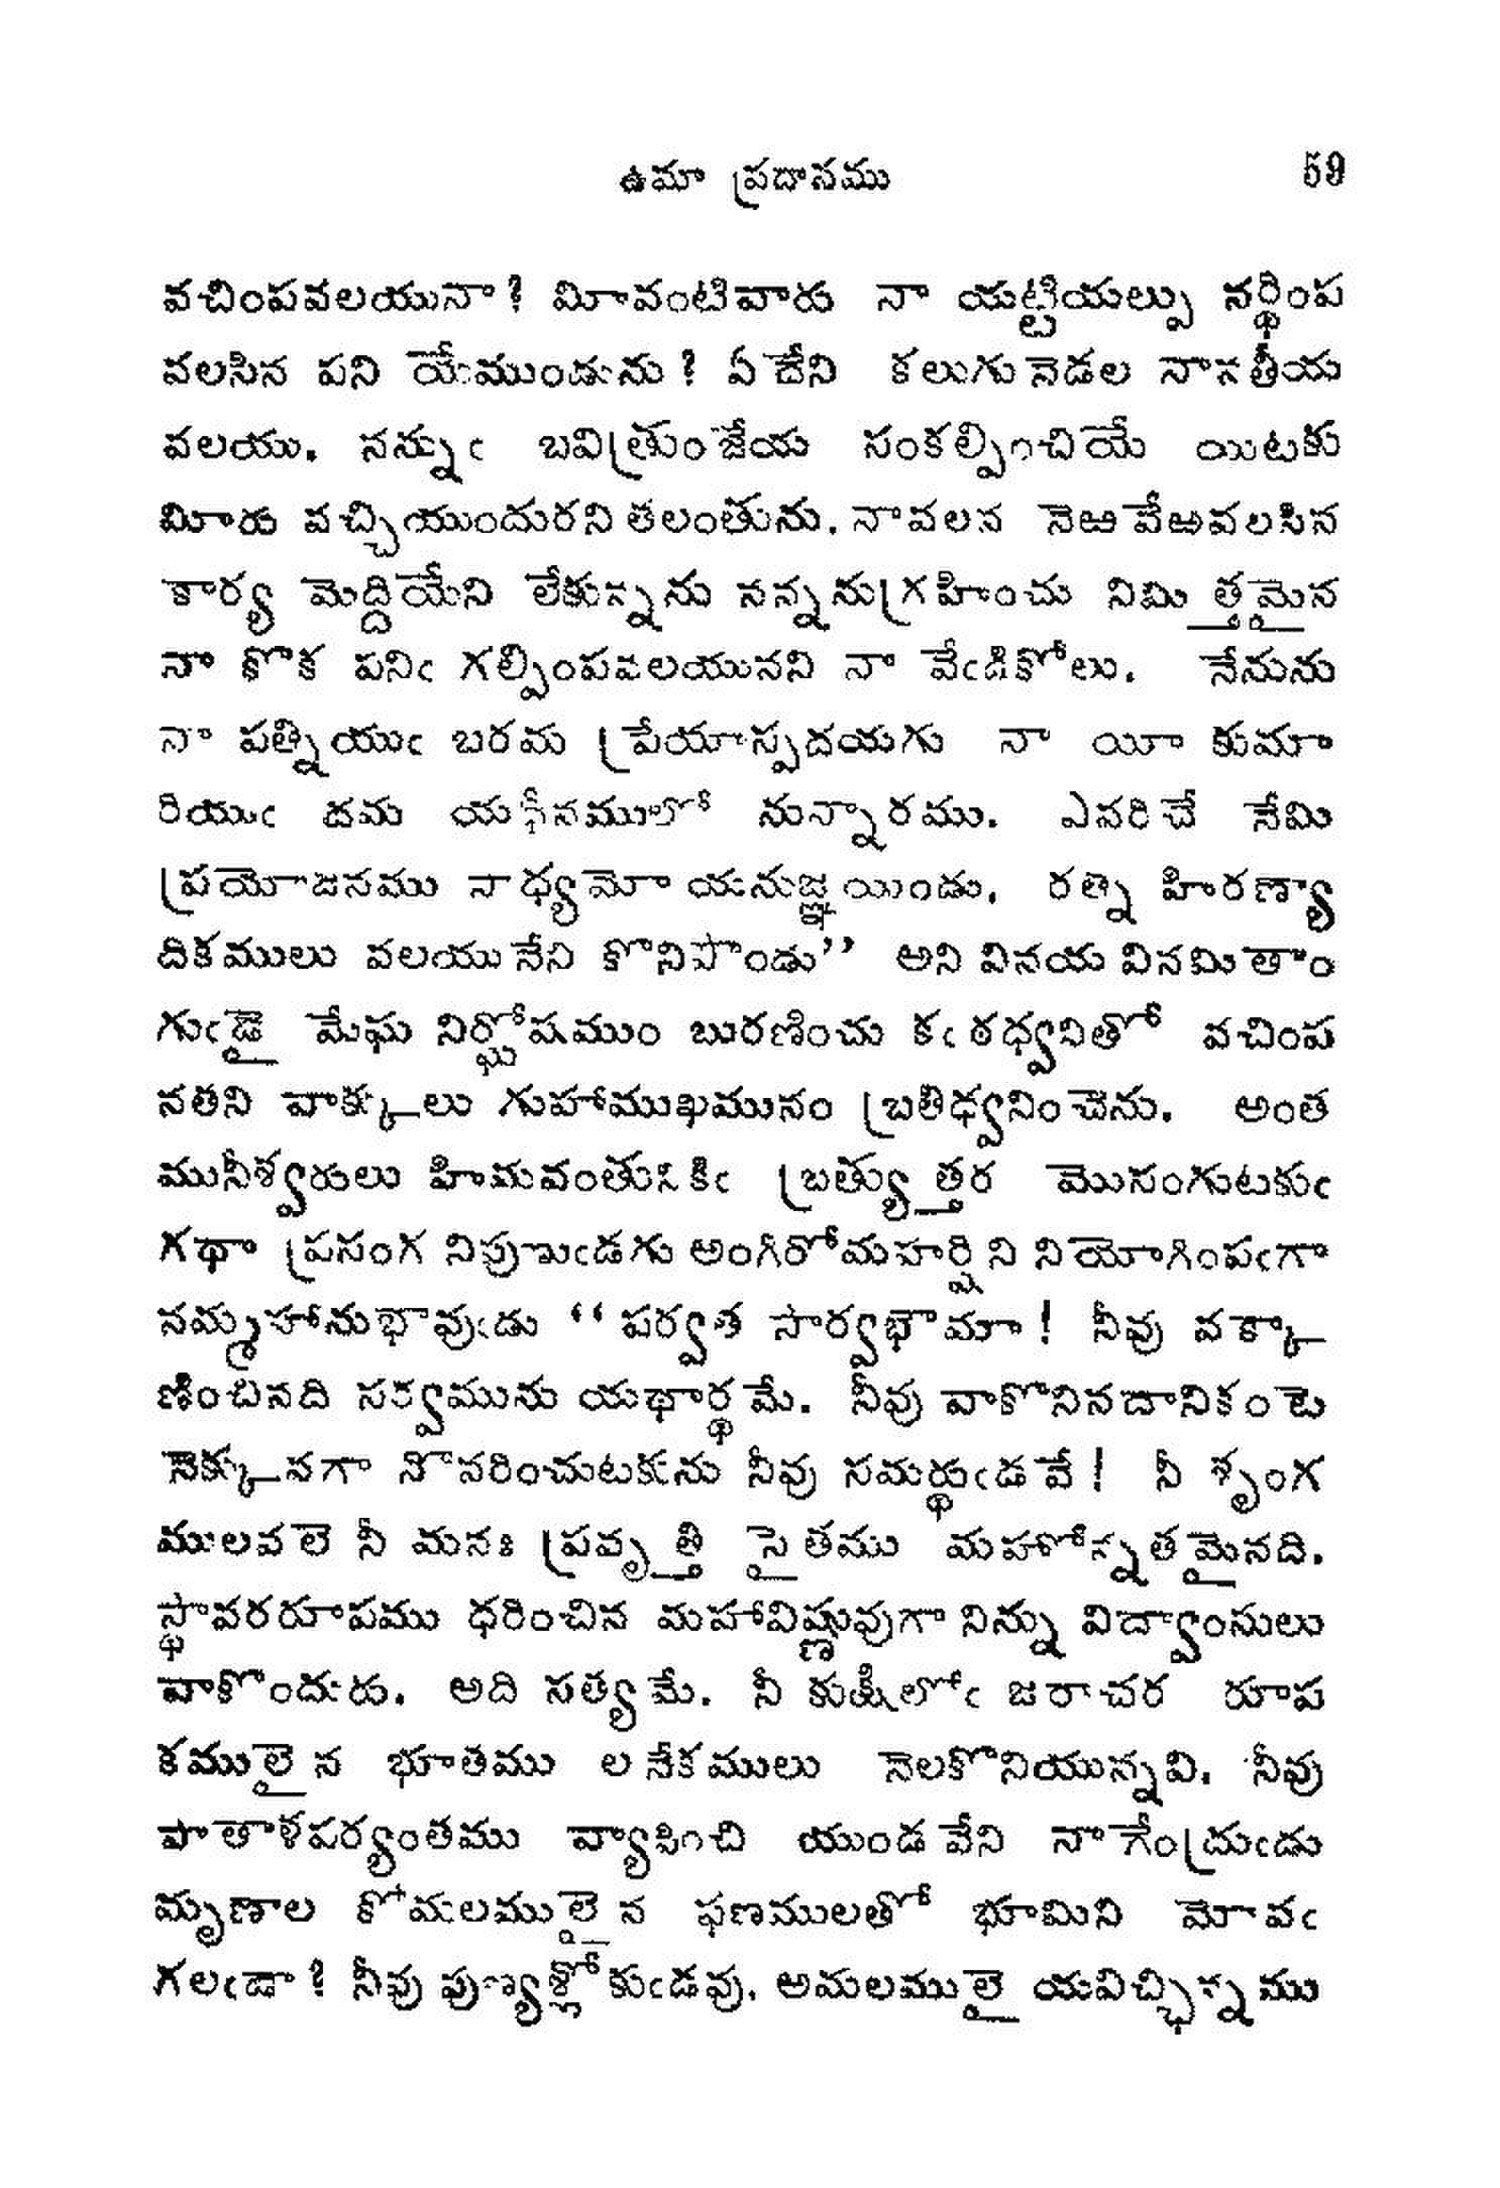వచింపవలయునా? మీవంటివారు నా యట్టియల్పు నర్థింప వలసిన పని యేముండును ? ఏ దేని కలుగు నెడల నానతీయ
వలయు, నన్నుఁ బవిత్రుంజేయ సంకల్పించియే యిటకు మీరు వచ్చియుందురని తలంతును. నావలన నెఱవేఱవలసిన
కార్య మెద్దియేని లేకున్నను నన్ననుగ్రహించు నిమి త్తమైన నా కొక పనిఁ గల్పింపవలయునని నా వేఁడికోలు. నేనును
నా పత్నియుఁ బరమ ప్రేయాస్పదయగు నా యీ కుమారియుఁ దమ యధీనములో నున్నారము. ఎవరిచే నేమి ప్రయోజనము సాధ్యమో యనుజ్ఞ యిండు. రత్న హిరణ్యాదికములు వలయు నేని కొనిపొండు" అని వినయ వినమితాం
గుఁడై మేఘ నిర్దోషముం బురణించు కఁ ఠధ్వనితో వచింప నతని వాక్కులు గుహాముఖమునం బ్రతిధ్వనించెను. అంత
మునీశ్వరులు హిమవంతునికిఁ బ్రత్యుత్తర మొసంగుటకుఁ గథా ప్రసంగ నిపుణుఁడగు అంగిరోమహర్షిని నియోగింపఁగా
నమ్మహానుభావుఁడు “పర్వత సార్వభౌమా! నీవు వక్కాణించినది సర్వమును యథార్థమే. నీవు వాకొనినదానికంటే నెక్కువగా నొనరించుటకును నీవు సమర్థుఁడవే ! నీ శృంగములవలె నీ మనః ప్రవృత్తి సైతము మహోన్నతమైనది, స్థావరరూపము ధరించిన మహావిష్ణువుగా నిన్ను విద్వాంసులు వాకొందురు. అది సత్యమే. నీ కుక్షిలోఁ జరాచర రూపకములైన భూతము లనేకములు నెలకొనియున్నవి. నీవు పాతాళపర్యంతము వ్యాపించి యుండ వేని నాగేంద్రుఁడు మృణాల కోమలములైన ఫణములతో భూమిని మోపఁ గలఁడా ? నీవు పుణ్యశ్లో కుఁడవు, అమలములై యవిచ్ఛిన్నము